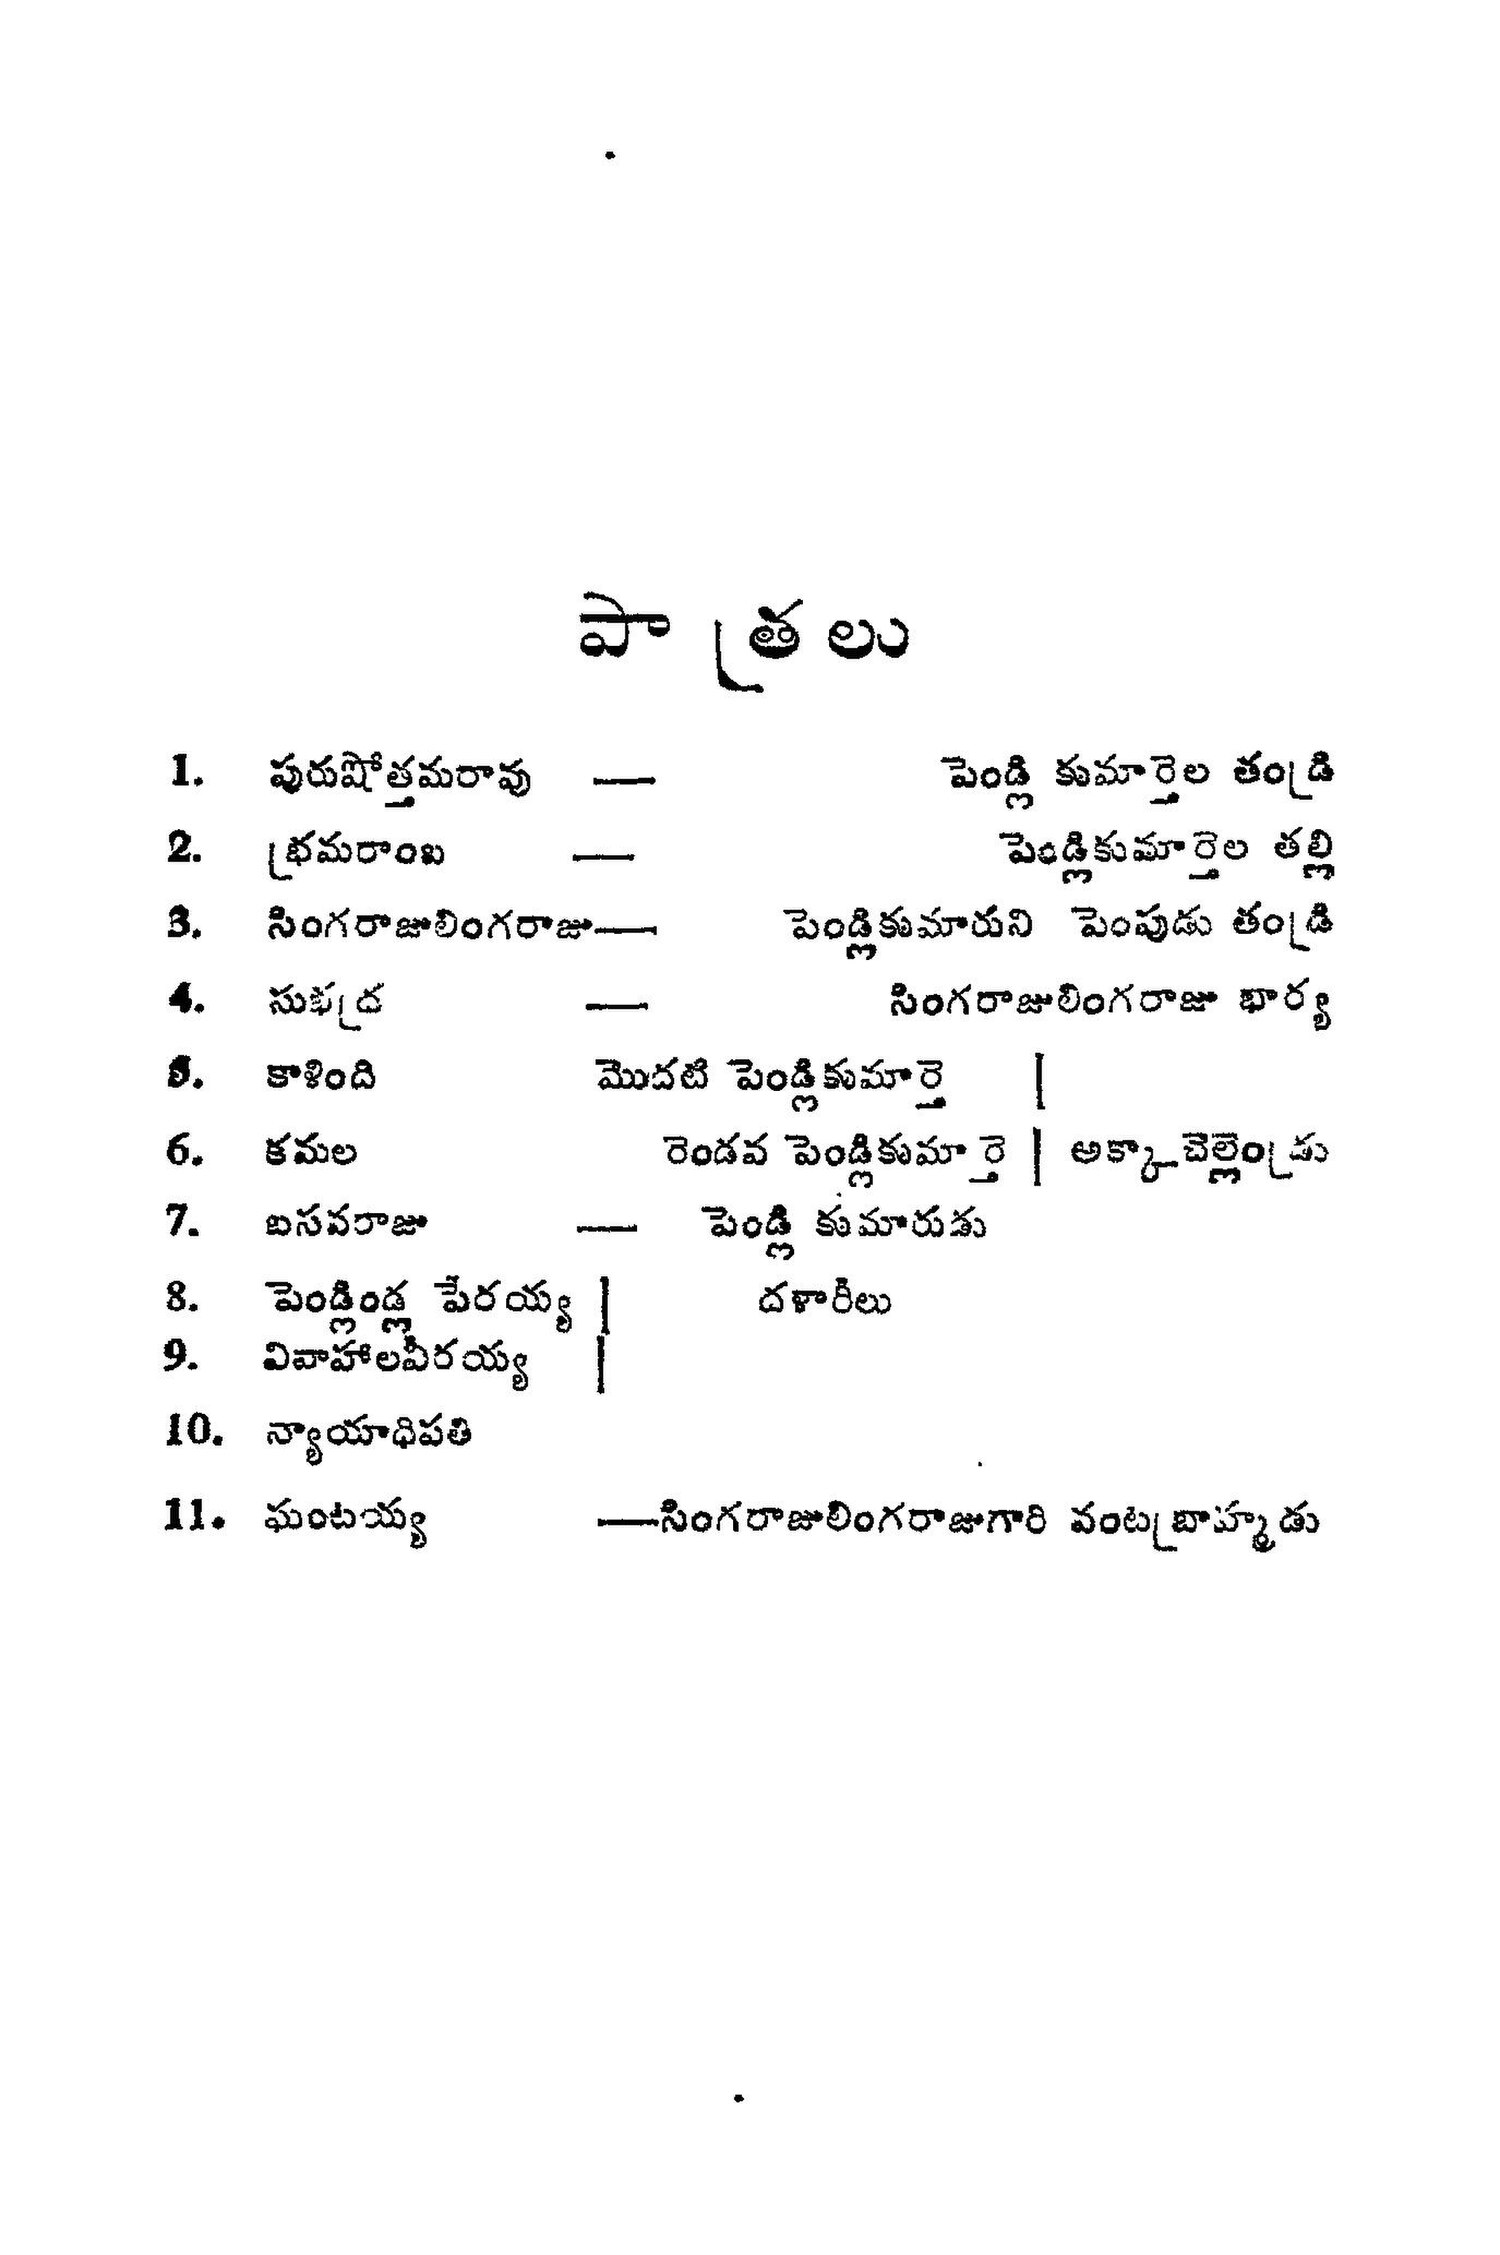పాత్రలు

 పురుషోత్తమరావు -- పెండ్లి కుమార్తెల తండ్రి
 భ్రమరాంబ -- పెండ్లికుమార్తెల తల్లి
 సింగరాజులింగరాజు -- పెండ్లికుమారుని పెంపుడు తండ్రి
 సుభద్ర -- సింగరాజులింగరాజు భార్య
 కాళింది మొదటి పెండ్లి కుమార్తె |
 కమల మొదటి పెండ్లి కుమార్తె | అక్కాచెల్లెండ్రు
 బసవరాజు -- పెండ్లి కుమారుడు
 పెండ్లిండ్ల పేరయ్య | దళారీలు
 వివాహాల వీరయ్య | 
 న్యాయాధిపతి
 ఘంటయ్య -- సింగరాజు లింగరాజుగారి వంటబ్రాహ్మడు